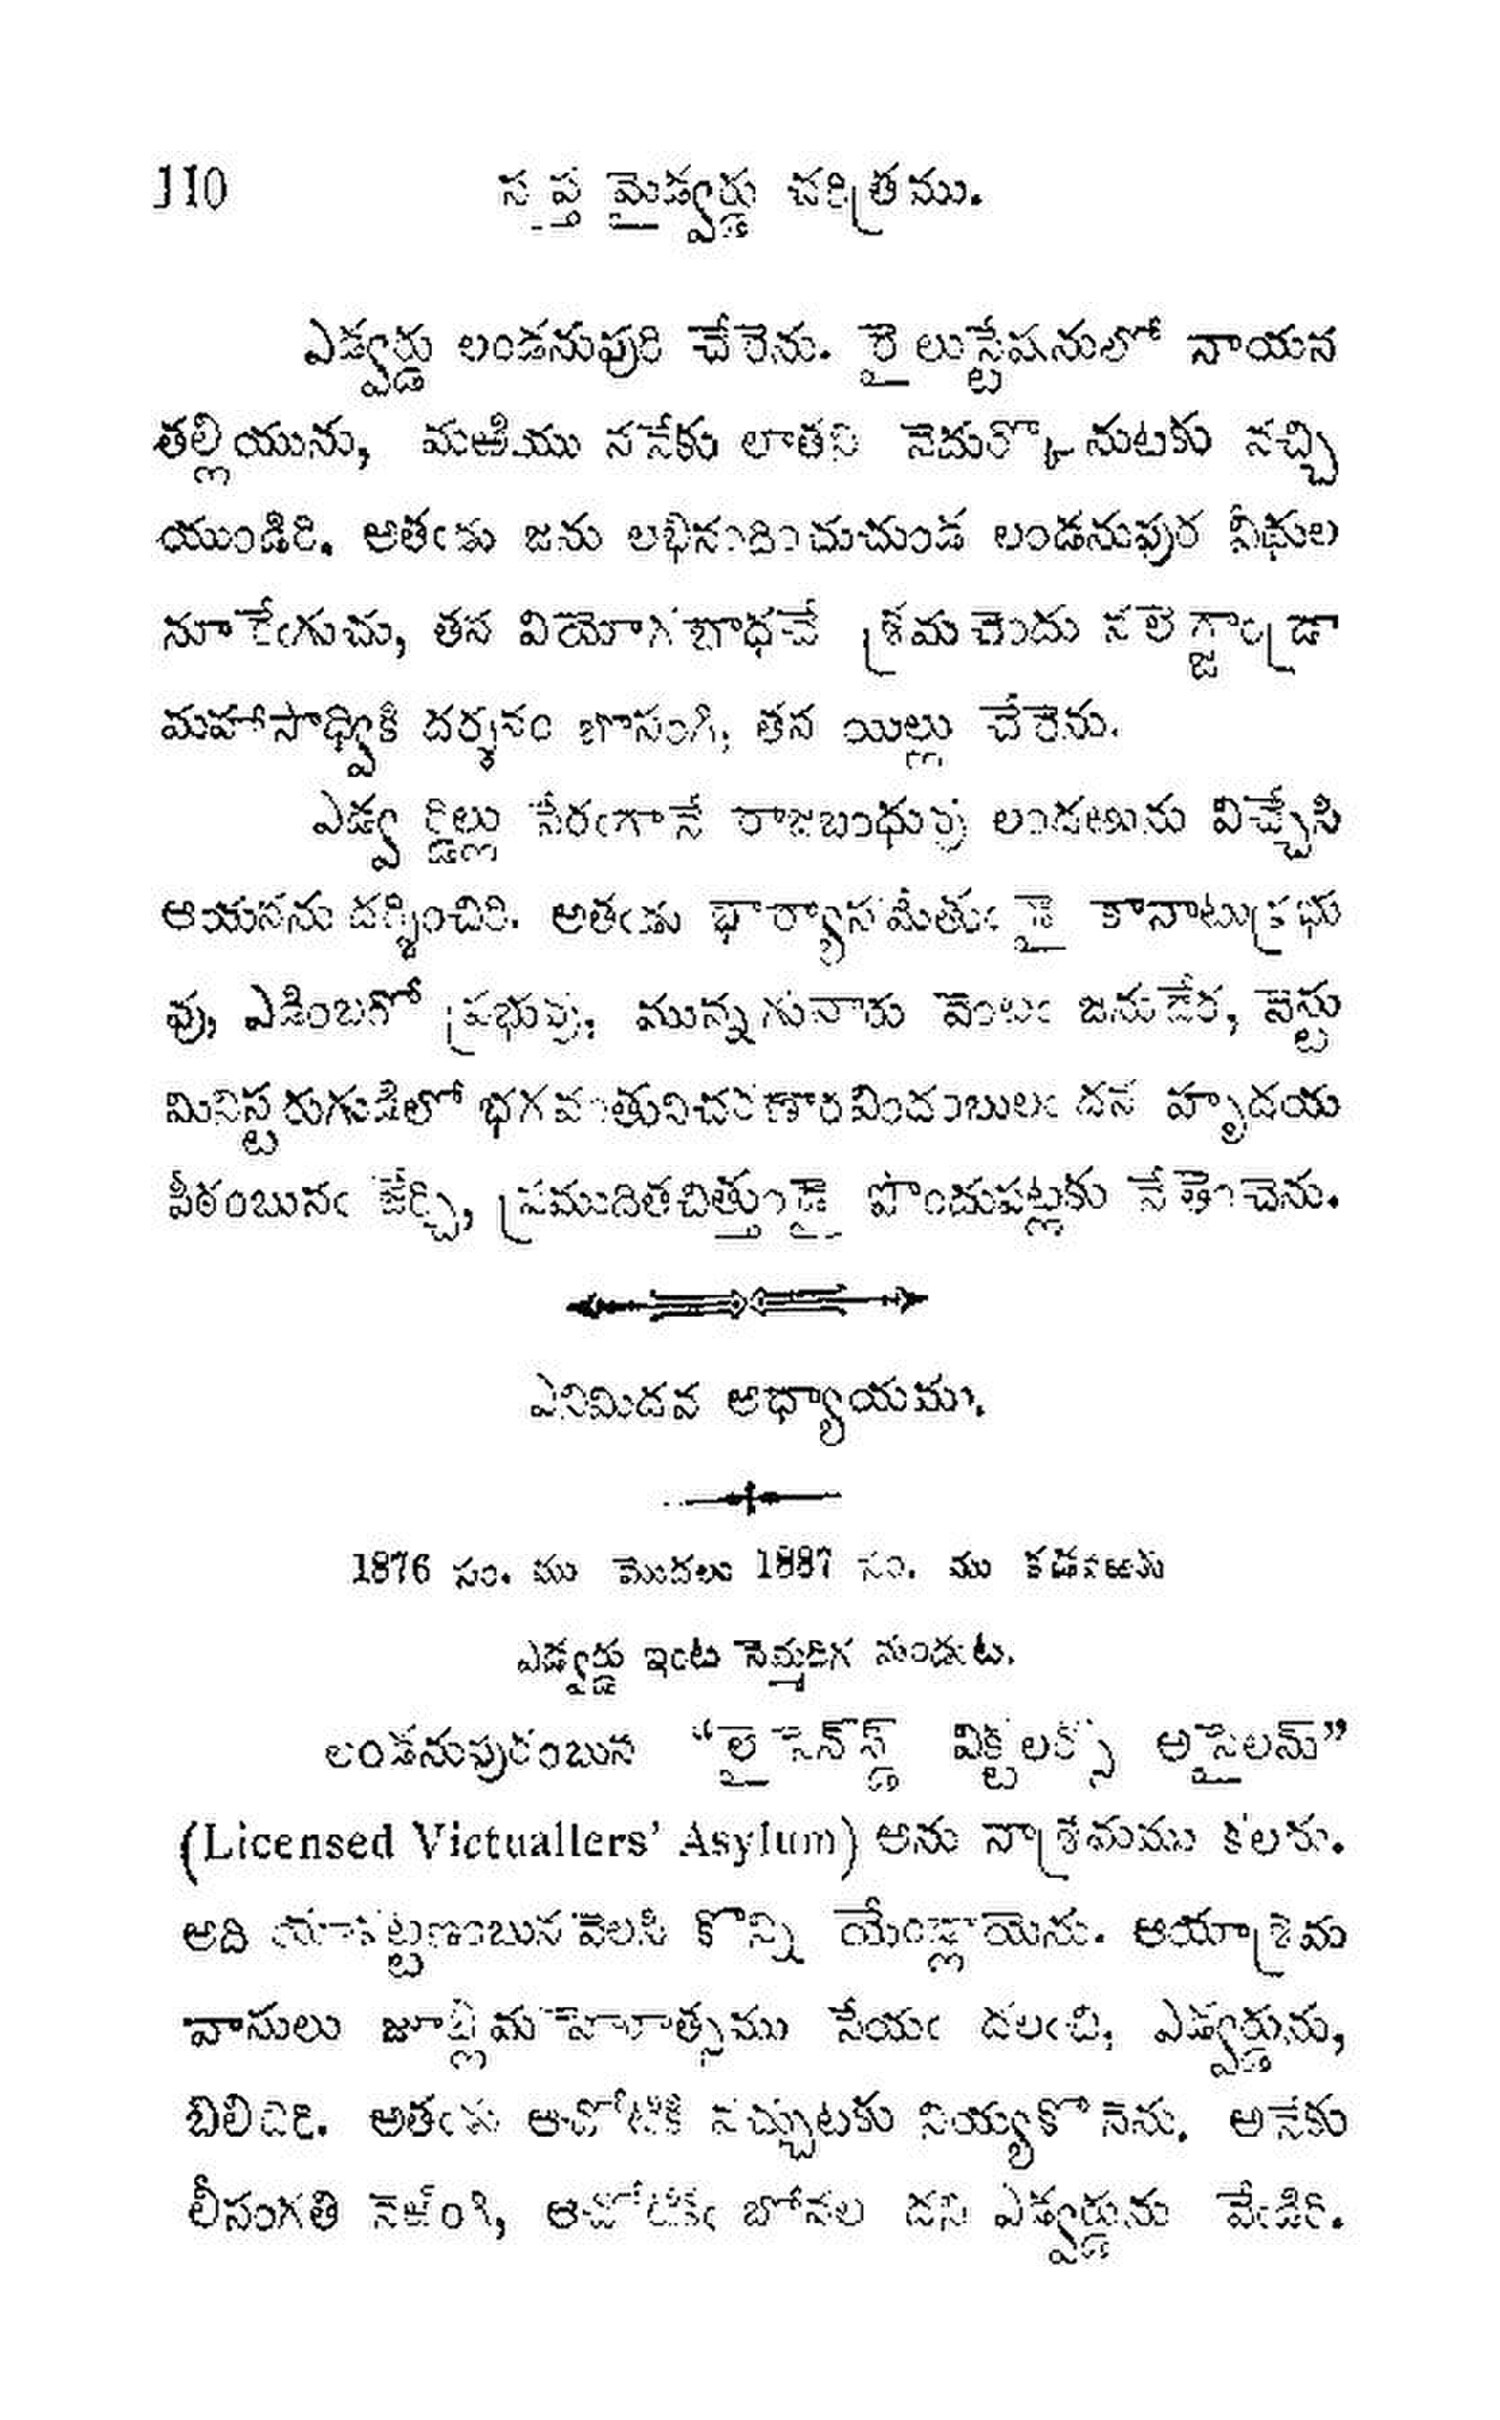ఎడ్వర్డు లండనుపురి చేరెను. రైలుస్టేషనులో నాయన తల్లియును, మఱియు ననేకు లాతని నెదుర్కొనుటకు వచ్చియుండిరి. అతఁడు జను లభినందించుచుండ లండనుపుర వీథుల నూరేగుచు, తన వియోగబాధచే శ్రమచెందు నలెగ్జాండ్రా మహాసాధ్వికి దర్శనం బొసంగి, తన యిల్లు చేరెను.

ఎడ్వర్డిల్లు చేరఁగానే రాజబంధువు లందఱును విచ్చేసి ఆయనను దర్శించిరి. అతఁడు భార్యాసమేతుడై కానాటు ప్రభువు, ఎడింబరో ప్రభువు, మున్నగువారు వెంట జనుదేర, వెస్టుమినిస్టరు గుడిలో భగవంతుని చరణారవిందంబుల దన హృదయ పీఠంబునఁ జేర్చి, ప్రముదితచిత్తుడై పొందుపట్లకు నేతెంచెను.

ఎనిమిదవ అధ్యాయము.

 

లండను పురంబున “లైసెన్‌స్డ్ విక్టలర్స్ అసైలమ్” (Licensed Victuallers' Asylum) అను నాశ్రమము కలదు. అది యాపట్టణంబున వెలసి కొన్ని యేండ్లాయెను. ఆయాశ్రమవాసులు జూబ్లీ మహోత్సవము సేయఁ దలఁచి, ఎడ్వర్డును, బిలిచిరి. అతడు ఆచోటికి వచ్చుటకు నియ్యకొనెను. అనేకు లీసంగతి నెఱింగి, ఆచోటికి బోవల దని ఎడ్వర్డును వేడిరి.